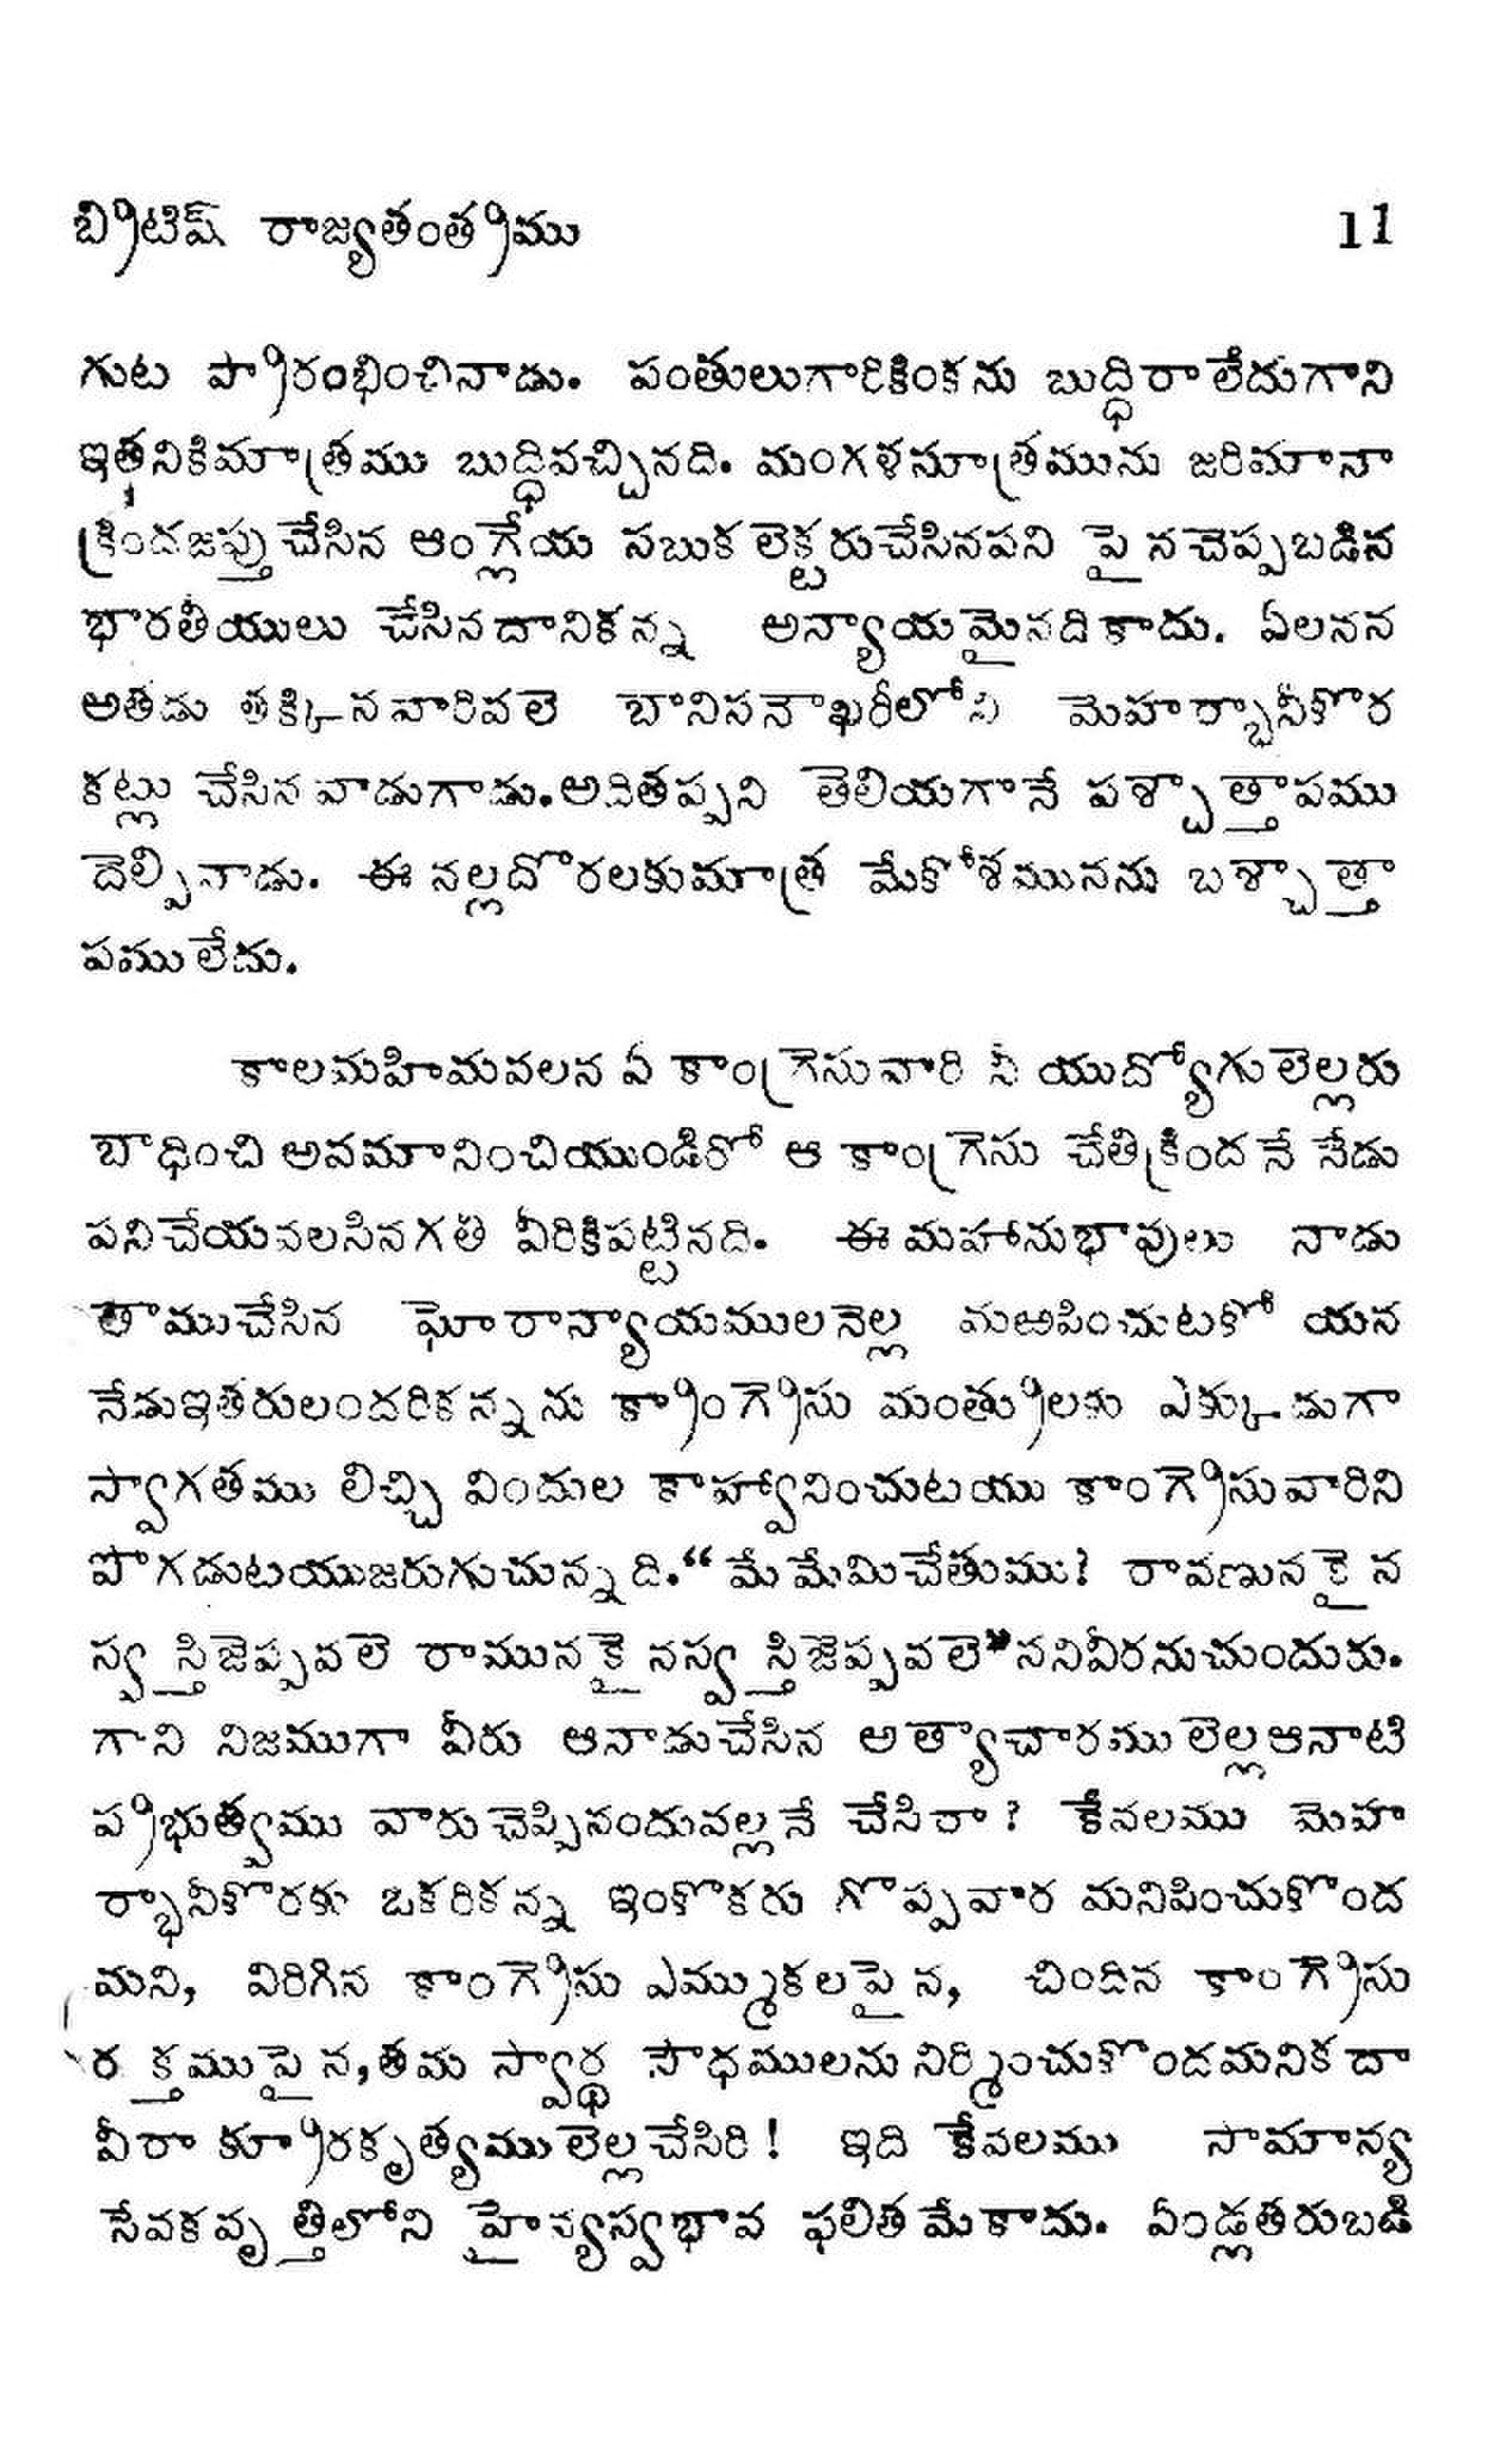గుట ప్రారంభించినాడు. పంతులుగారికింకను బుద్దిరాలేదుగాని ఇతనికిమాత్రము బుద్దివచ్చినది. మంగళసూత్రమును జరిమానాక్రిందజప్తుచేసిన ఆంగ్లేయ సబుకలెక్టరుచేసినపని పైన చెప్పబడిన భారతీయులు చేసినదానికన్న అన్యాయమైనదికాదు. ఏలనన అతడు తక్కినవారివలె బానిసనౌఖరీలో, మెహర్బానీకొర కట్లుచేసిన వాడుగాడు. అదితప్పని తెలియగానే పశ్చాత్తాపము దెల్పినాడు. ఈ నల్లదొరలకుమాత్ర మేకోశమునను బశ్చాత్తాపములేదు.

కాలమహిమవలన ఏ కాంగ్రెసువారి నీ యుద్యోగులెల్లరు బాధించి అవమానించియుండిరో ఆ కాంగ్రెసు చేతిక్రిందనే నేడు పనిచేయవలసినగతి వీరికిపట్టినది. ఈ మహానుభావులు నాడు తాముచేసిన ఘోరాన్యాయములనెల్ల మఱపించుటకో యన నేడు ఇతరులందరికన్నను కాంగ్రెసును మంత్రులకు ఎక్కుడుగా స్వాగతము లిచ్చి విందుల కాహ్వానించుటయు కాంగ్రెసువారిని పొగడుటయుజరుగుచున్నది. "మేమేమిచేతుము? రావణునకైన స్వస్తిజెప్పవలె రామునకైన స్వస్తిజెప్పవలె"ననివీరనుచుందురు. గాని నిజముగా వీరు ఆనాడుచేసిన అత్యాచారములెల్ల ఆనాటి ప్రభుత్వము వారుచెప్పినందువల్లనే చేసిరా? కేవలము మెహర్బానీకొరకు ఒకరికన్న ఇంకొకరు గొప్పవార మనిపించుకొందమని, విరిగిన కాంగ్రెసు ఎమ్ముకలపైన, చిందిన కాంగ్రెసు రక్తముపైన, తమ స్వార్థ సౌధములను నిర్మించుకొందమనికదా వీరా క్రూరకృత్యములెల్లచేసిరి ! ఇది కేవలము సామాన్య సేవకవృత్తిలోని హైన్యస్వభావ ఫలితమేకాదు. ఏండ్లతరుబడి